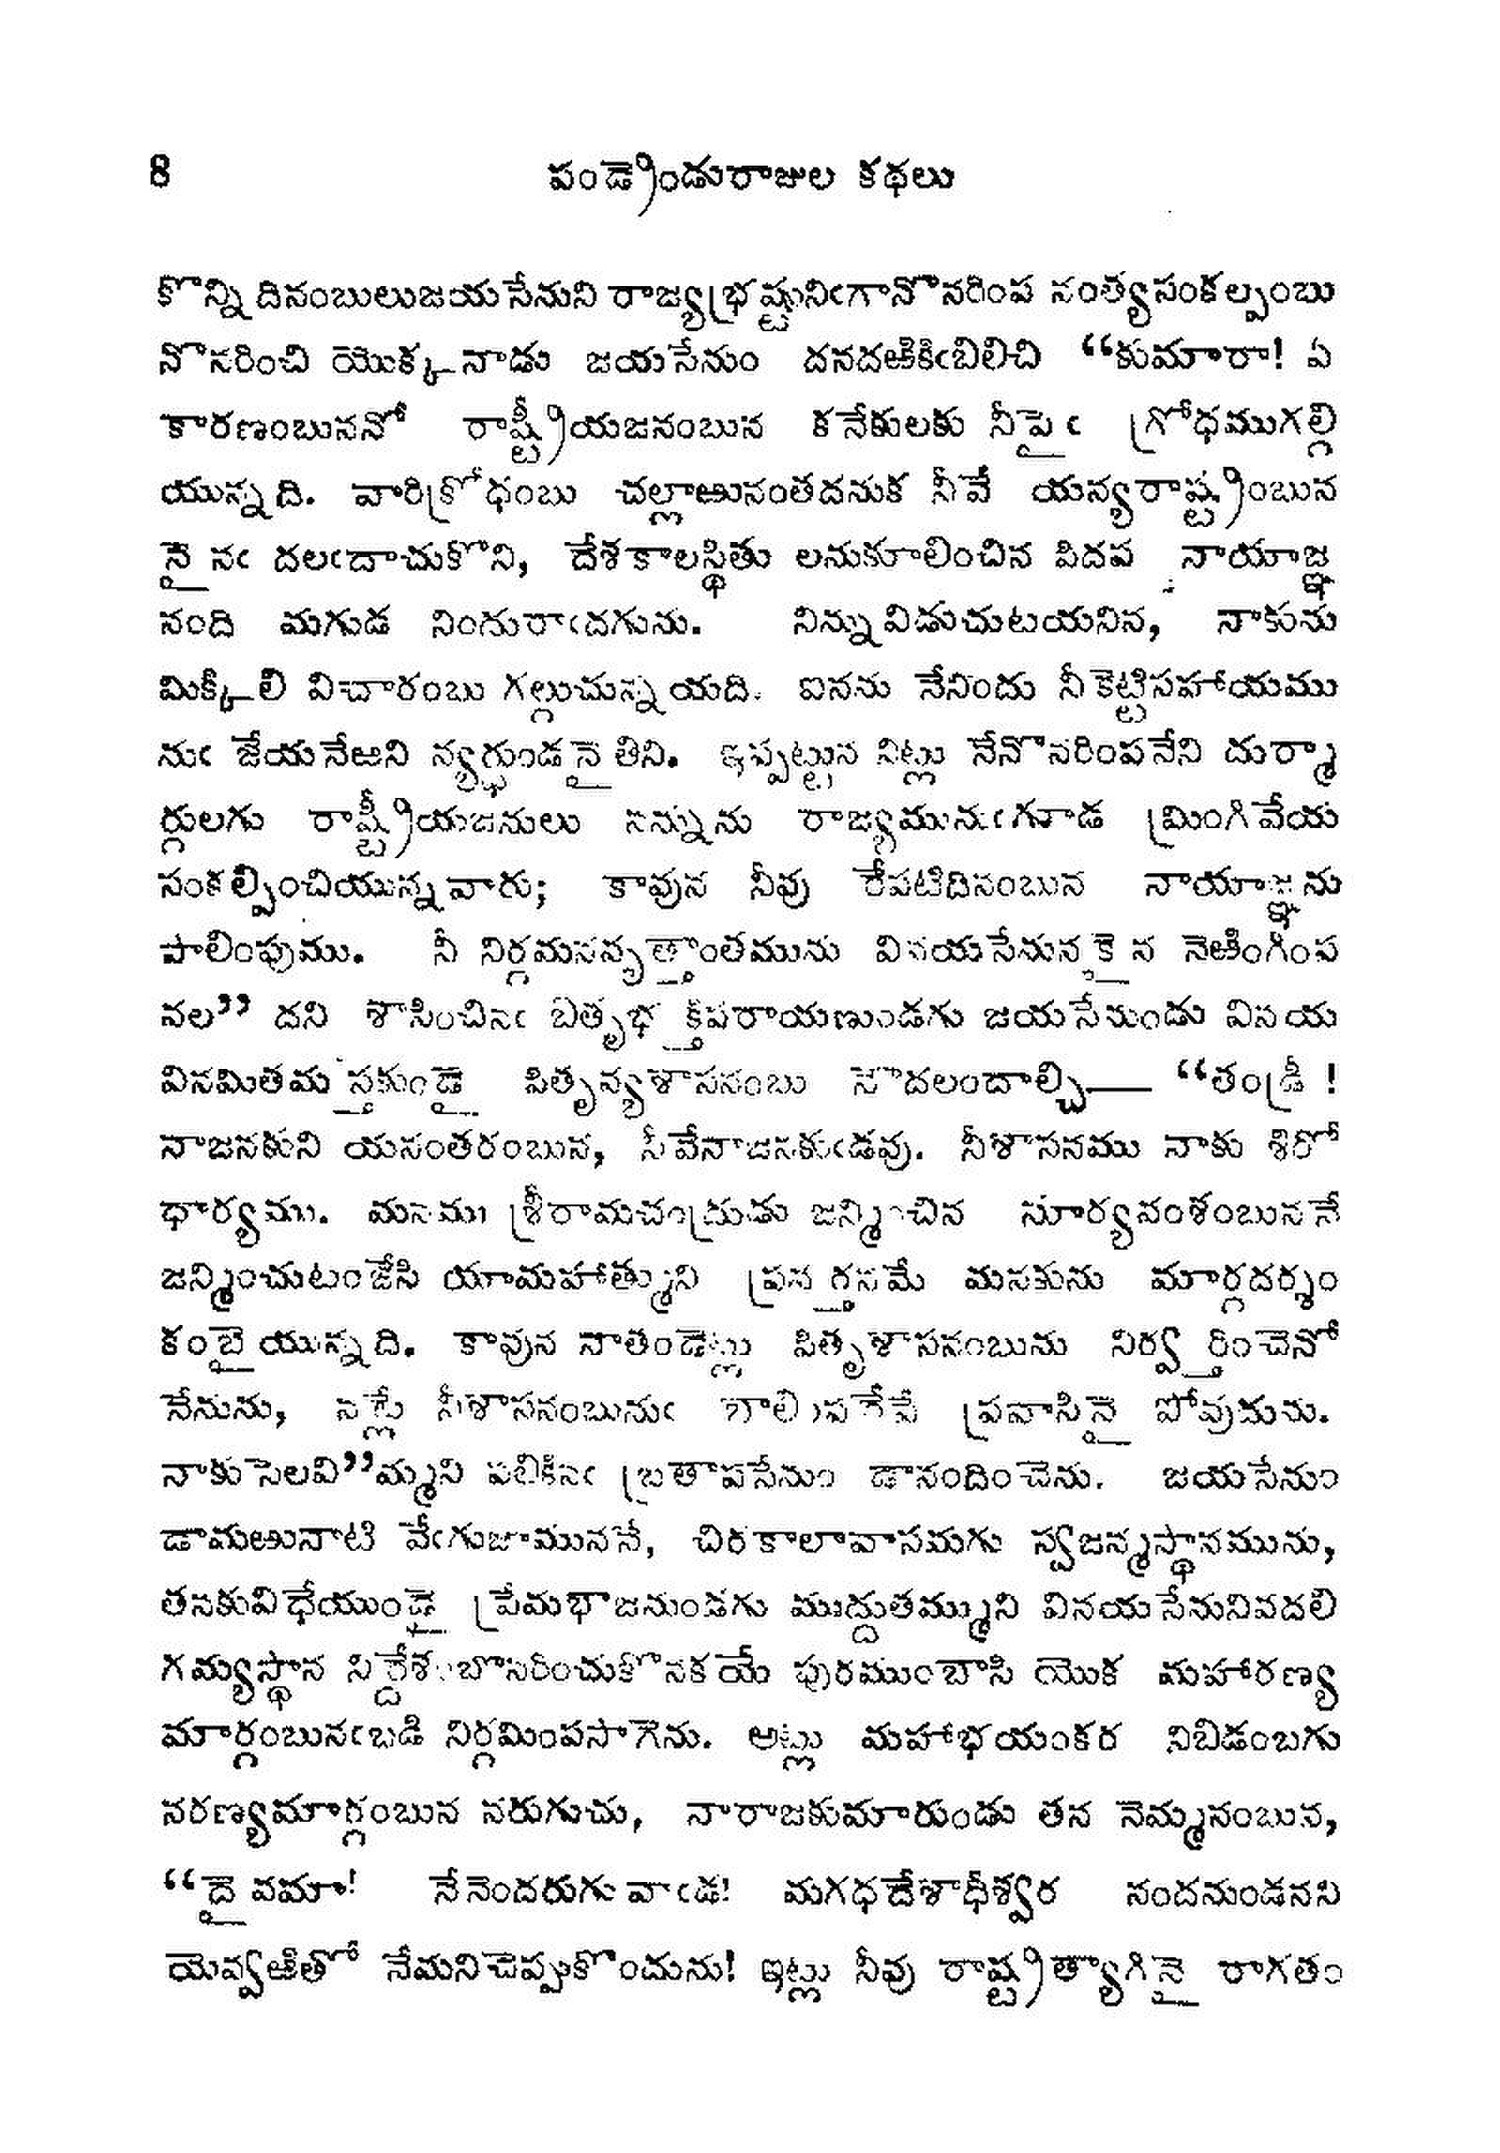కొన్ని దినంబులు జయసేనుని రాజ్యభ్రష్టునిఁగా నొసరింప నంత్య సంకల్పంబు నొనరించి యొక్క నాడు జయసేనుం దనదఱికిఁబిలిచి "కుమారా! ఏ కారణంబుననో రాష్ట్రీయజనంబున కనేకులకు నీపైఁ గ్రోధముగల్లి యున్నది. వారి క్రోధంబు చల్లాఱునంత దనుక నీవే యన్య రాష్ట్రంబుననైనఁ దలఁదాచుకొని, దేశ కాలస్థితు లనుకూలించిన పిదప నాయాజ్ఞ నంది మగుడ నిందురాఁదగును. నిన్ను విడుచుట యనిన, నాకును మిక్కిలి విచారంబు గల్గుచున్నయది. ఐనను నేనిందు నీ కెట్టి సహాయమునుఁ జేయనేఱని న్యర్ధుండ నైతిని. ఇప్పట్టున నిట్లు నేనొనరింపనేని దుర్మార్గులగు రాష్ట్రీయ జనులు నన్నును రాజ్యమునుఁ గూడ మ్రింగి వేయ సంకల్పించియున్నవారు; కావున నీవు రేపటి దినంబున నాయాజ్ఞను పాలింపుము. నీ నిర్గమన వ్రుత్తాంతమును విషయసేనునకైన నెఱింగింపవల" దని శాసించినఁ బితృభక్థిపరాయణుండగు జయసేనుండు వినయ వినమితమస్తకుండై పితృవ్య శాసనంబు నౌదలందాల్చి —— “తండ్రీ ! నాజనకుని యనంతరంబున, నీవేనా జనకుఁడవు. నీశాసనము నాకు శిరోధార్యము. మనము శ్రీరామచంద్రుడు జన్మించిన సూర్యవంశంబుననే జన్మించుటం జేసి యామహాత్ముని ప్రవర్తనమే మనకును మార్గదర్శంకంబై యున్నది. కావున నాతండెట్లు పితృశాసనంబును నిర్వర్తించెనో నేనును, నట్లే నీశాసనంబునుఁ బాలింపరేపే ప్రవాసినై పోవుదును. నాకు సెలవి” మ్మని పలికినఁ బ్రతాపసేనుం డానందించెను. జయసేనుండా మఱునాటి వేఁగుజూముననే, చిర కాలావాసమగు స్వజన్మస్థానమును, తనకు విధేయుండై ప్రేమభాజనుండగు ముద్దుతమ్ముని వినయసేనునివదలి గమ్యస్థాన నిర్దేశం బొనరించుకొనకయే పురముంబాసి యొక మహారణ్య మార్గంబునఁబడి నిర్గమింపసాగెను. అట్లు మహాభయంకర నిబిడంబగు నరణ్య మార్గంబున నరుగుచు, నారాజకుమారుండు తన నెమ్మనంబున, “దైవమా! నేనెందరుగు వాఁడ! మగధ దేశాధీశ్వర నందనుండనని యెవ్వఱితో నేమని చెప్పుకొందును! ఇట్లు నీవు రాష్ట్ర త్యాగినై రాగతం